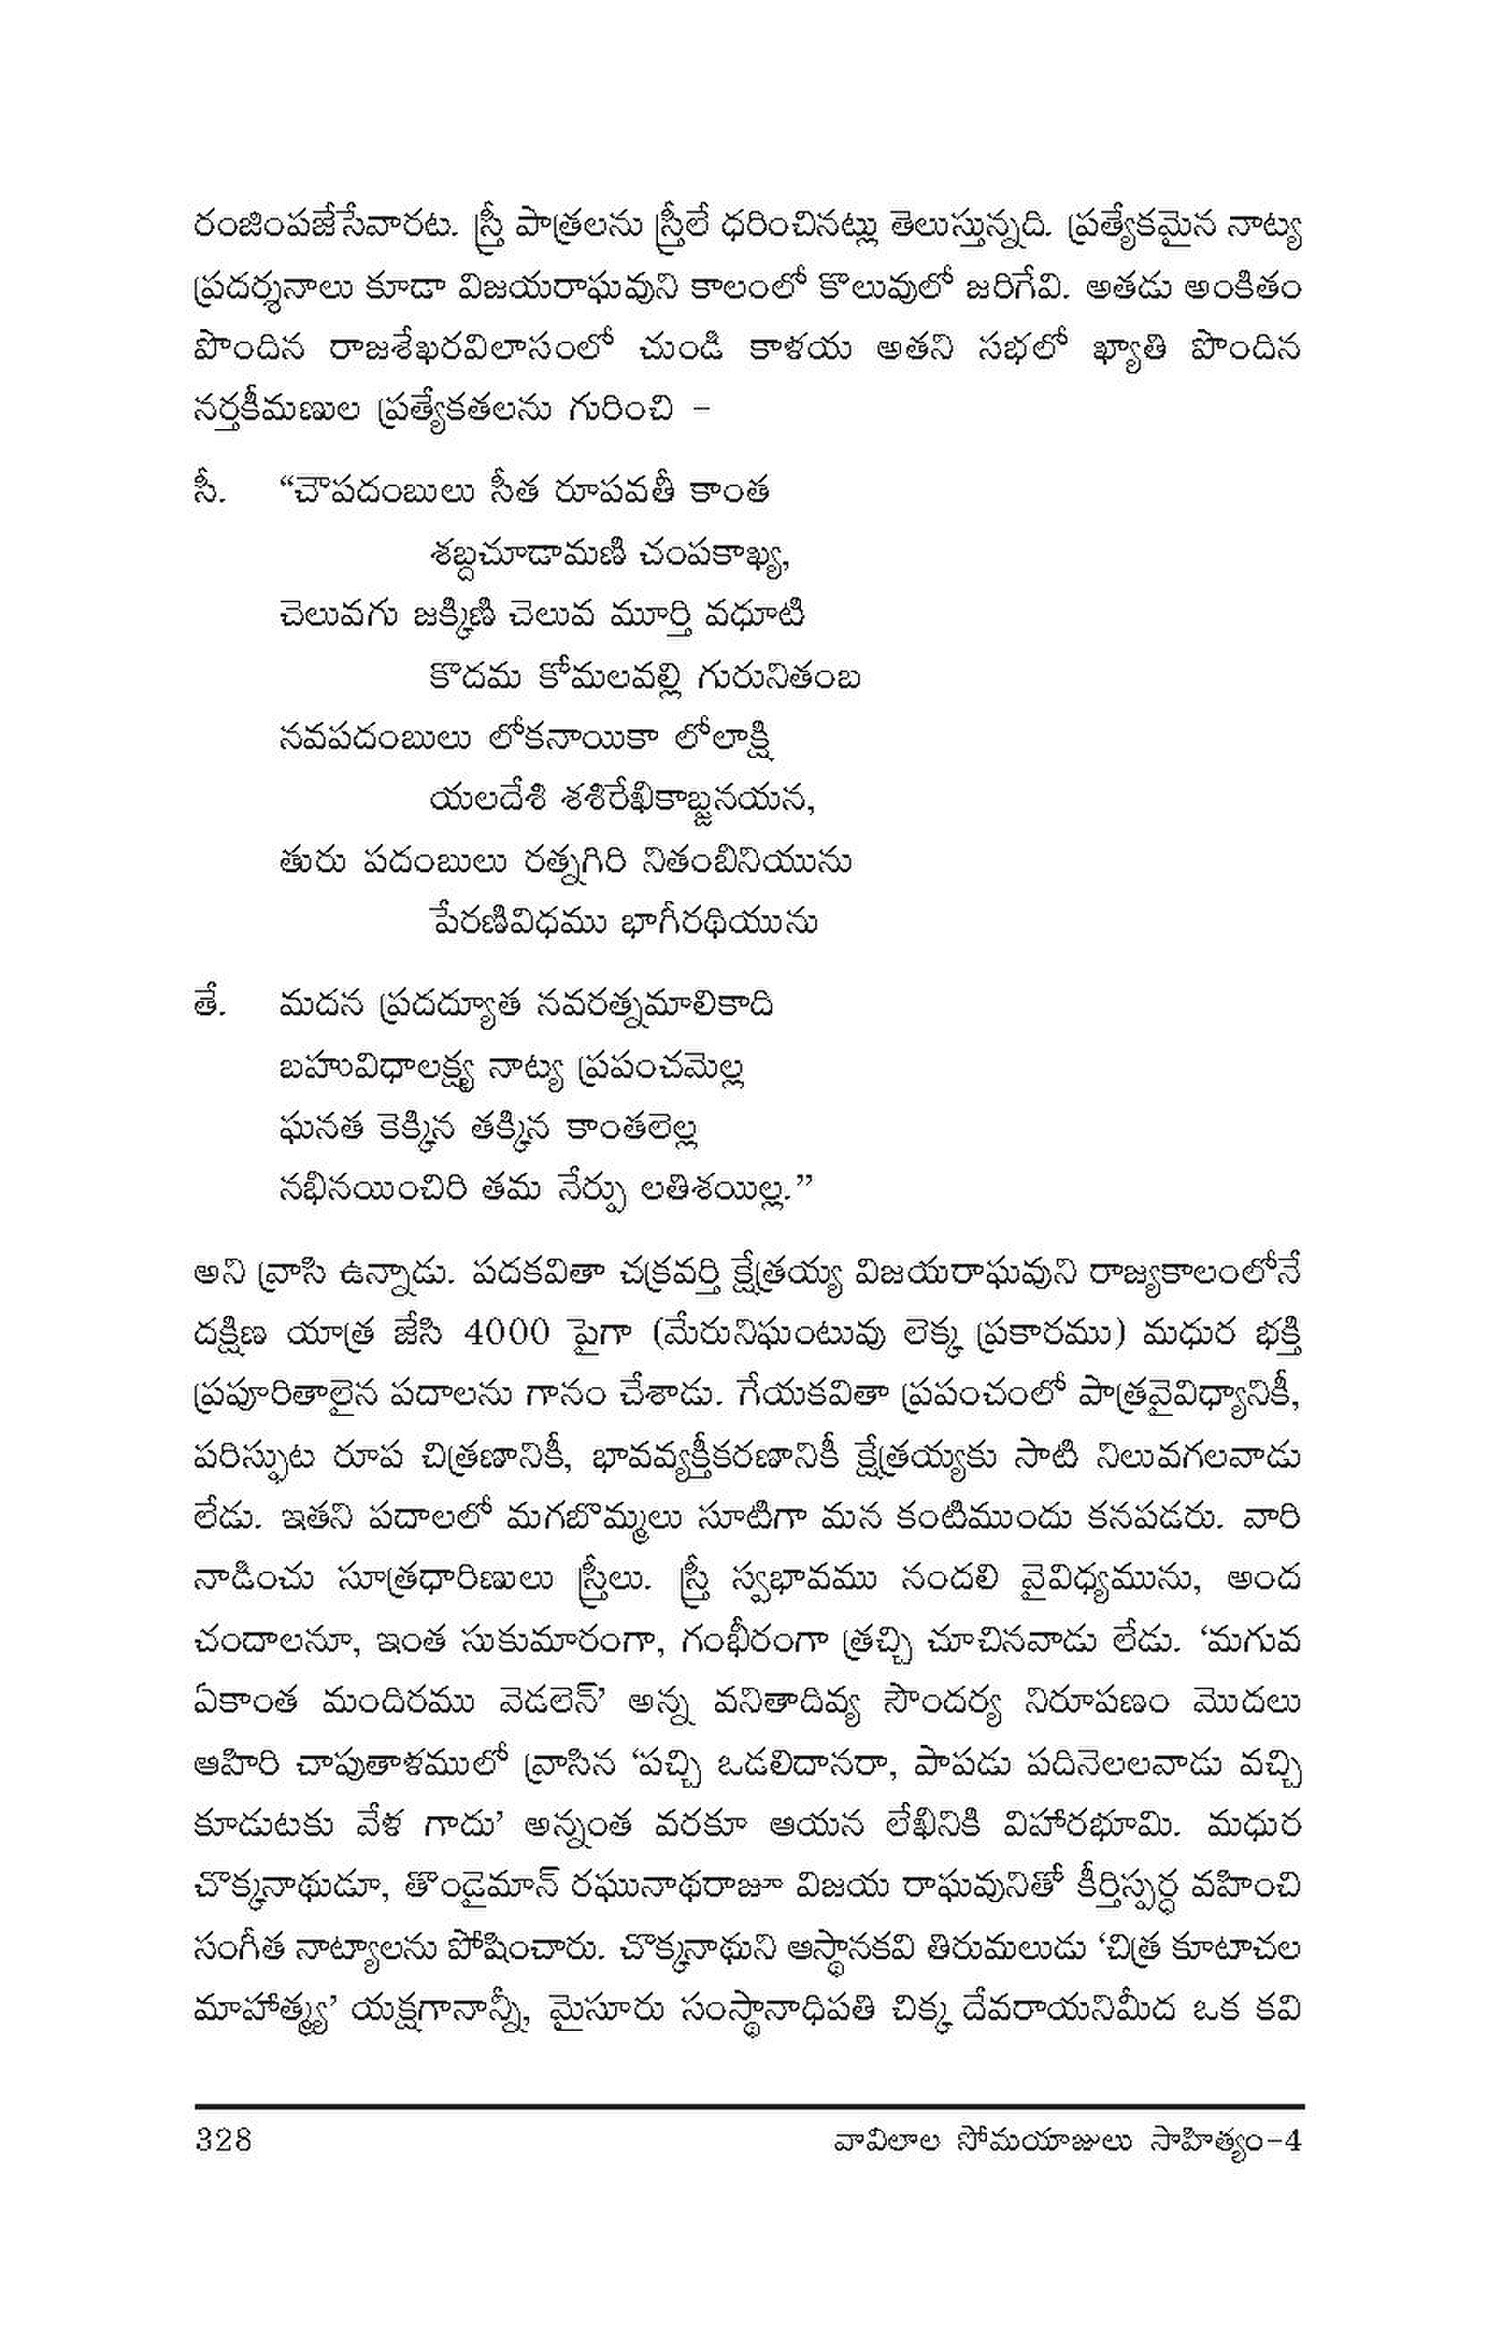రంజింపజేసేవారట. స్త్రీ పాత్రలను స్త్రీలే ధరించినట్లు తెలుస్తున్నది. ప్రత్యేకమైన నాట్య
ప్రదర్శనాలు కూడా విజయరాఘవుని కాలంలో కొలువులో జరిగేవి. అతడు అంకితం
పొందిన రాజశేఖరవిలాసంలో చుండి కాళయ అతని సభలో ఖ్యాతి పొందిన
నర్తకీమణుల ప్రత్యేకతలను గురించి -

సీ. “చౌపదంబులు సీత రూపవతీ కాంత
శబ్దచూడామణి చంపకాఖ్య,
చెలువగు జక్కిణి చెలువ మూర్తి వధూటి
కొదమ కోమలవల్లి గురునితంబ
నవపదంబులు లోకనాయికా లోలాక్షి
యలదేశి శశిరేఖికాబ్జనయన,
తురు పదంబులు రత్నగిరి నితంబినియును
పేరణివిధము భాగీరథియును

తే. మదన ప్రదద్యూత నవరత్నమాలికాది
బహువిధాలక్ష్య నాట్య ప్రపంచమెల్ల
ఘనత కెక్కిన తక్కిన కాంతలెల్ల
నభినయించిరి తమ నేర్పు లతిశయిల్ల.”

అని వ్రాసి ఉన్నాడు. పదకవితా చక్రవర్తి క్షేత్రయ్య విజయరాఘవుని రాజ్యకాలంలోనే
దక్షిణ యాత్ర జేసి 4000 పైగా (మేరునిఘంటువు లెక్క ప్రకారము) మధుర భక్తి
ప్రపూరితాలైన పదాలను గానం చేశాడు. గేయకవితా ప్రపంచంలో పాత్రవైవిధ్యానికీ,
పరిస్ఫుట రూప చిత్రణానికీ, భావవ్యక్తీకరణానికీ క్షేత్రయ్యకు సాటి నిలువగలవాడు
లేడు. ఇతని పదాలలో మగబొమ్మలు సూటిగా మన కంటిముందు కనపడరు. వారి
నాడించు సూత్రధారిణులు స్త్రీలు. స్త్రీ స్వభావము నందలి వైవిధ్యమును, అంద
చందాలనూ, ఇంత సుకుమారంగా, గంభీరంగా త్రచ్చి చూచినవాడు లేడు. 'మగువ
ఏకాంత మందిరము వెడలెన్' అన్న వనితాదివ్య సౌందర్య నిరూపణం మొదలు
ఆహిరి చాపుతాళములో వ్రాసిన 'పచ్చి ఒడలిదానరా, పాపడు పదినెలలవాడు వచ్చి
కూడుటకు వేళ గాదు' అన్నంత వరకూ ఆయన లేఖినికి విహారభూమి. మధుర
చొక్కనాథుడూ, తొండైమాన్ రఘునాథరాజూ విజయ రాఘవునితో కీర్తిస్పర్ధ వహించి
సంగీత నాట్యాలను పోషించారు. చొక్కనాథుని ఆస్థానకవి తిరుమలుడు 'చిత్ర కూటాచల
మాహాత్మ్య' యక్షగానాన్నీ, మైసూరు సంస్థానాధిపతి చిక్క దేవరాయనిమీద ఒక కవి